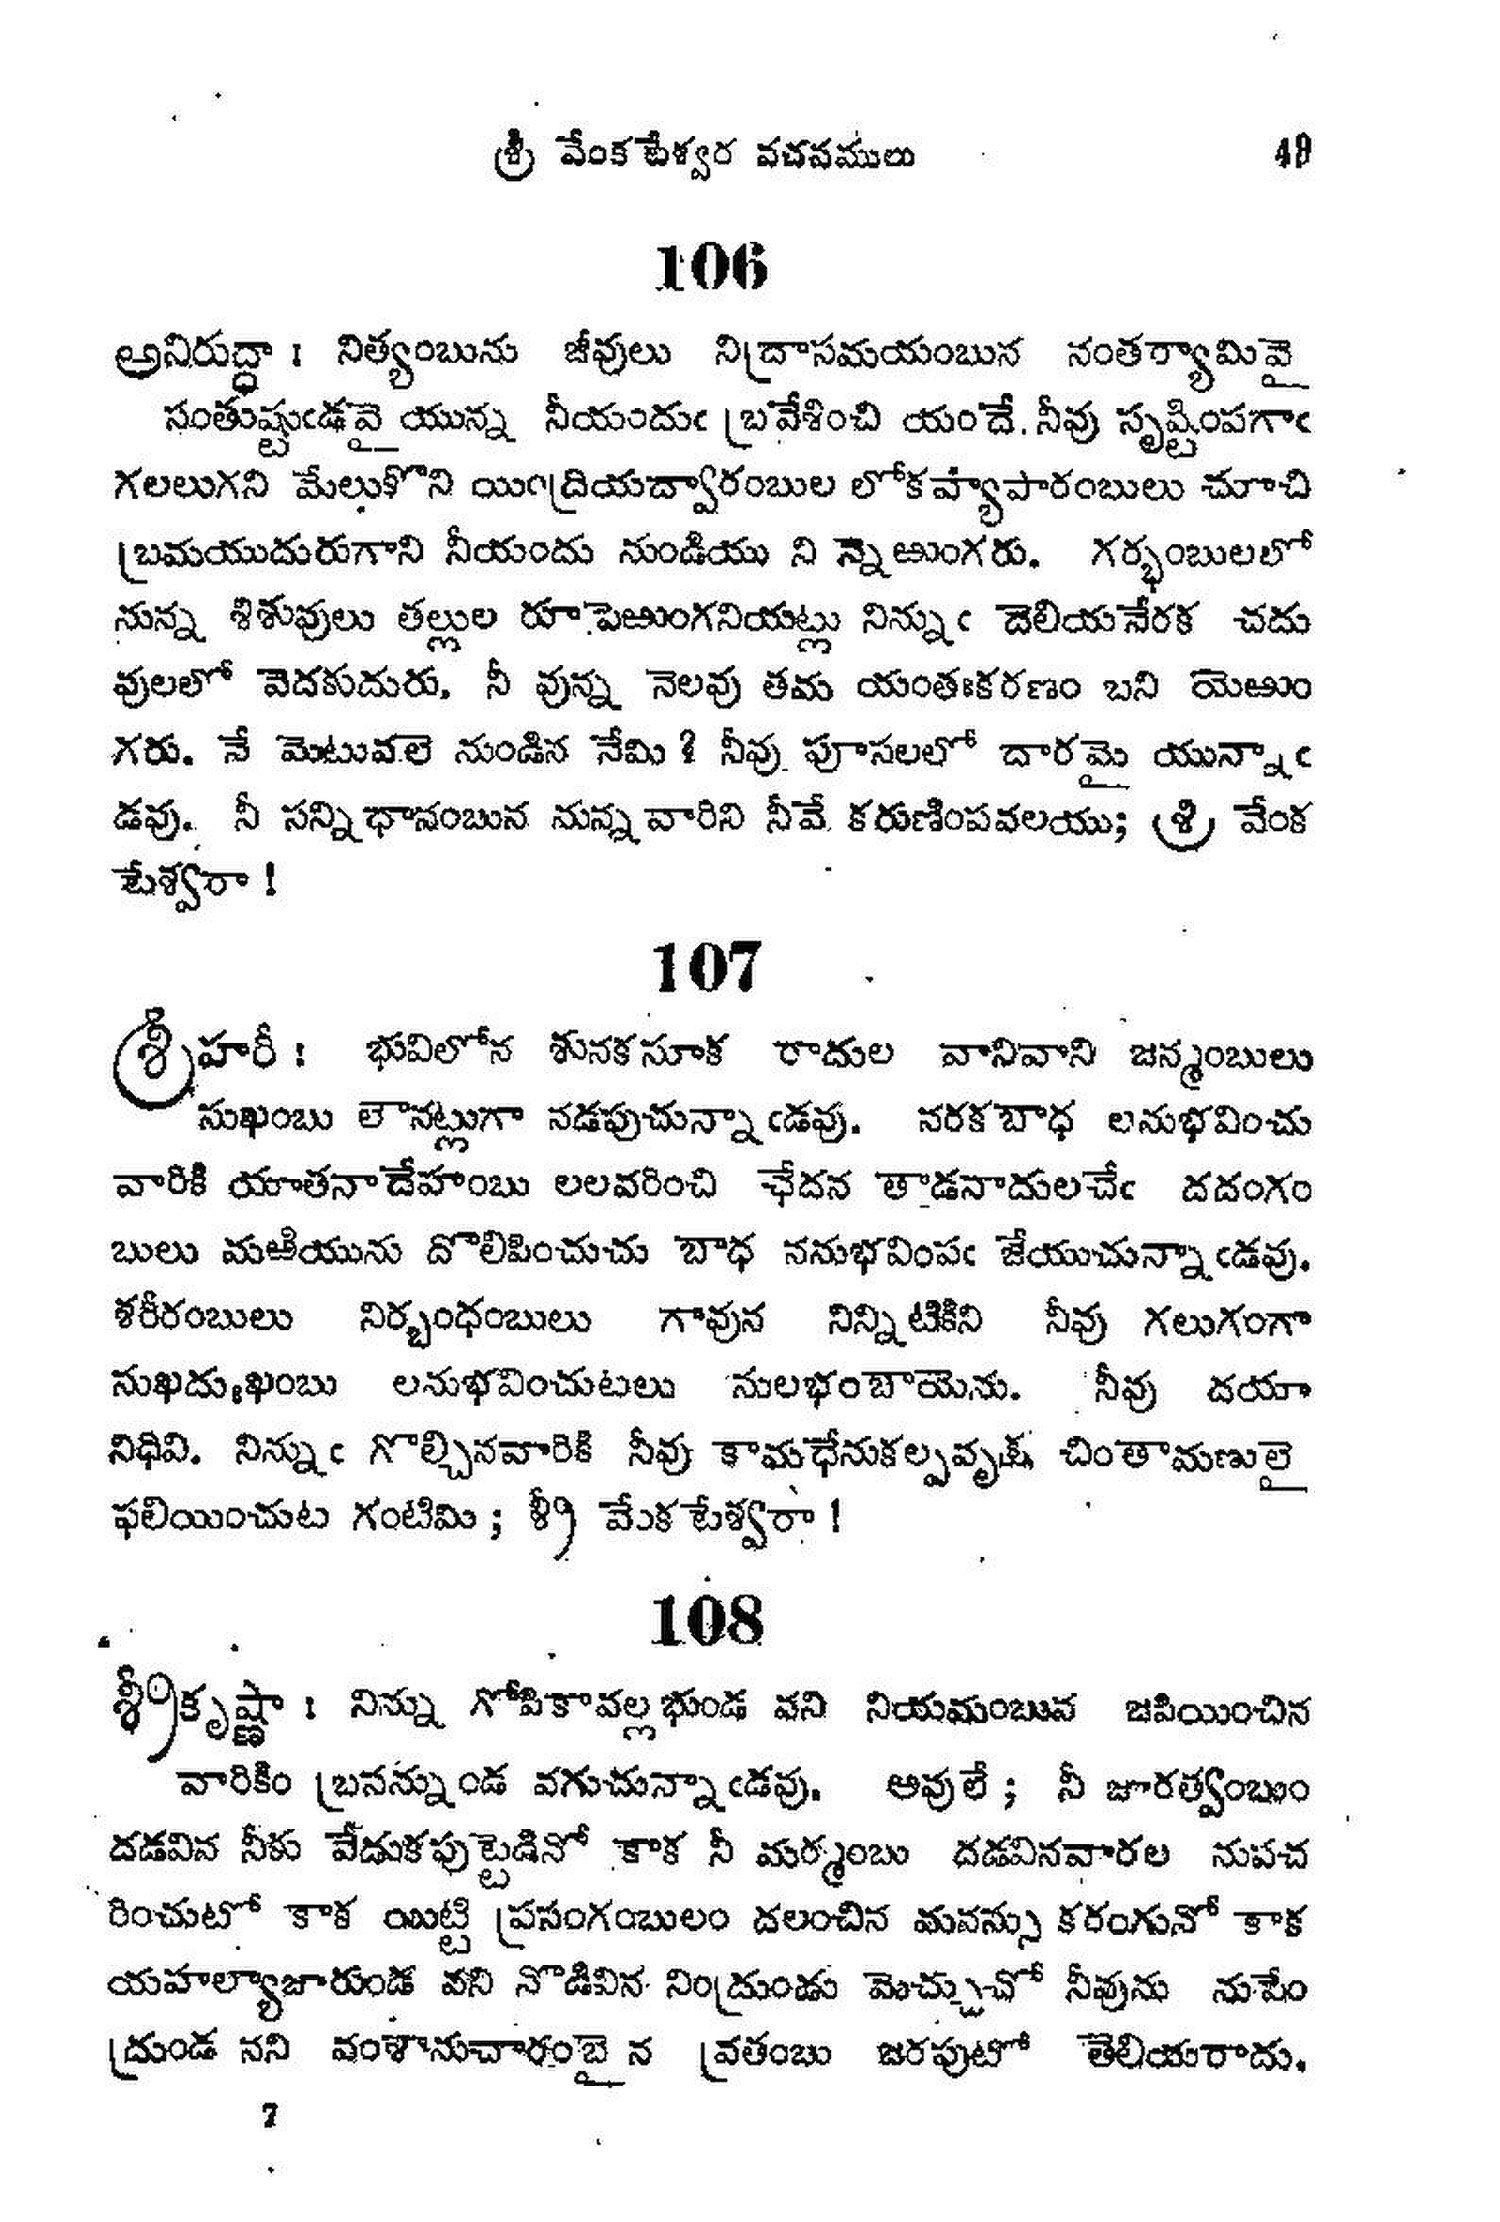106 

 ! నిత్యంబును జీవులు నిద్రాసమయంబున నంతర్యామివై సంతుష్టుఁడవై యున్న నీయందుఁ బ్రవేశించి యందే. నీవు సృష్టింపగాఁ గలలుగని మేలుకొని యింద్రియ ద్వారంబుల లోకవ్యాపారంబులు చూచిబ్రమయుదురుగాని నీయందు నుండియు నిన్నెఱుంగరు. గర్భంబులలో నున్న శిశువులు తల్లుల రూ పెఱుంగనియట్లు నిన్నుఁ దెలియ నేరక చదు వులలో వెదకుదురు, నీ వున్న నెలవు తమ యంతఃకరణం బని యెఱుం గరు. నే మెటువలె నుండిన నేమి ? నీవు. పూసలలో దారమై యున్నాఁ డవు. నీ సన్ని ధానంబున నున్న వారిని నీవే కరుణింపవలయు; శ్రీ వేంక టేశ్వరా !

107 

 : భువిలోన శునకసూక రాదుల వానివాని జన్మంబులు సుఖంబు లౌనట్లుగా నడపుచున్నాఁడవు. నరకబాధ లనుభవించు వారికి యాతనాదేహంబు లలవరించి ఛేదన తాడనాదులచేఁ దదంగం బులు మఱియును దొలిపించుచు బాధ ననుభవింపఁ జేయుచున్నాఁడవు. శరీరంబులు నిర్బంధంబులు గావున నిన్నిటికిని నీవు గలుగంగా సుఖదుఃఖంబు లనుభవించుటలు సులభంబాయెను. నీవు దయా నిధివి. నిన్నుఁ గొల్చినవారికి నీవు కామధేనుకల్పవృక్ష చింతామణులై ఫలియించుట గంటిమి; శ్రీ వేంకటేశ్వరా !

108 

 ! నిన్ను గోపికావల్ల భుండ వని నియమంబున జపియించిన వారికిం బ్రసన్నుండ వగుచున్నాఁడవు, అవులే; నీ జారత్వంబుం దడవిన నీకు వేడుకపుట్టెడినో కాక నీ మర్మంబు దడవినవారల నుపచరించుటో కాక యిట్టి ప్రసంగంబులం దలంచిన మనస్సు కరంగునో కాక యహల్వా జారుండ వని నొడివిన నింద్రుండు మెచ్చుచో నీవును నుపేంద్రుండ నని వంశానుచారంబైన వ్రతంబు జరపుటో తెలియరాదు.